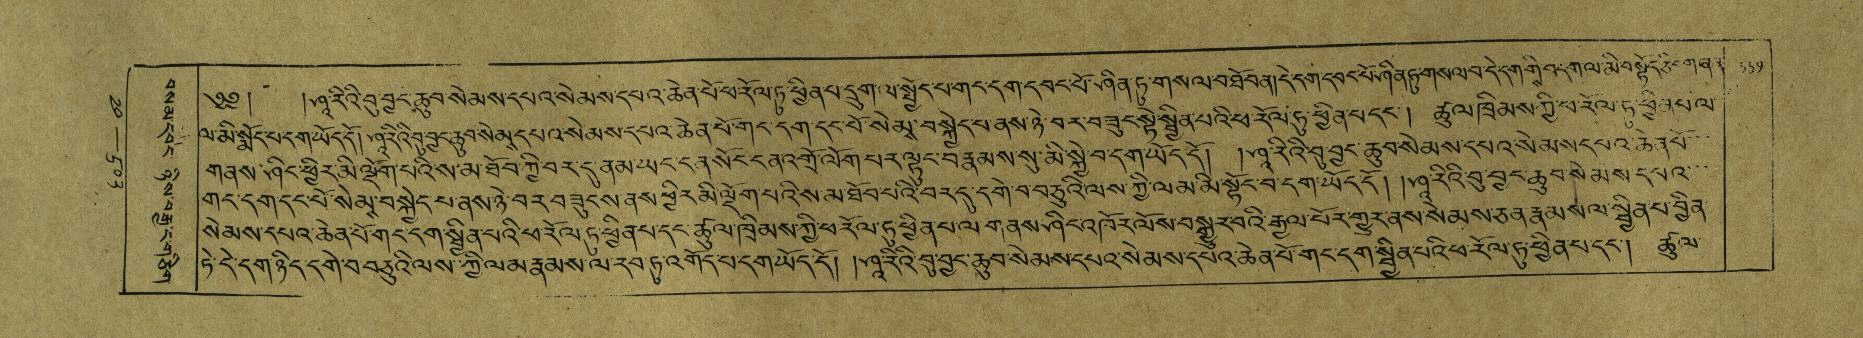༄༅། །ཤཱ་རིའི་བུ་བྱང་ཆུབ་སེམས་དཔའ་སེམས་དཔའ་ཆེན་པོ་ཕ་རོལ་ཏུ་ཕྱིན་པ་དྲུག་པ་སྤྱོད་པ་གང་དག་དབང་པོ་ཤིན་ཏུ་གསལ་བ་ཐོབ་ན། དེ་དག་དབང་པོ་ཤིན་ཏུ་གསལ་བ་དེ་དག་གིས་བདག་ལ་མི་བསྟོད་ཅིང་གཞན་
ལ་མི་སྨོད་པ་དག་ཡོད་དོ། ཤཱ་རིའི་བུ་བྱང་ཆུབ་སེམས་དཔའ་སེམས་དཔའ་ཆེན་པོ་གང་དག་དང་པོ་སེམས་བསྐྱེད་པ་ནས་ཉེ་བར་བཟུང་སྟེ་སྦྱིན་པའི་ཕ་རོལ་ཏུ་ཕྱིན་པ་དང་། ཚུལ་ཁྲིམས་ཀྱི་ཕ་རོལ་ཏུ་ཕྱིན་པ་ལ་
གནས་ཤིང་ཕྱིར་མི་ལྡོག་པའི་ས་མ་ཐོབ་ཀྱི་བར་དུ་ནམ་ཡང་ངན་སོང་ངན་འགྲོ་ལོག་པར་ལྟུང་བ་རྣམས་སུ་མི་སྐྱེ་བ་དག་ཡོད་དོ། །ཤཱ་རིའི་བུ་བྱང་ཆུབ་སེམས་དཔའ་སེམས་དཔའ་ཆེན་པོ་
གང་དག་དང་པོ་སེམས་བསྐྱེད་པ་ནས་ཉེ་བར་བཟུངས་ནས་ཕྱིར་མི་ལྡོག་པའི་ས་མ་ཐོབ་པའི་བར་དུ་དགེ་བ་བཅུའི་ལས་ཀྱི་ལམ་མི་སྟོང་བ་དག་ཡོད་དོ། །ཤཱ་རིའི་བུ་བྱང་ཆུབ་སེམས་དཔའ་
སེམས་དཔའ་ཆེན་པོ་གང་དག་སྦྱིན་པའི་ཕ་རོལ་ཏུ་ཕྱིན་པ་དང་ཚུལ་ཁྲིམས་ཀྱི་ཕ་རོལ་ཏུ་ཕྱིན་པ་ལ་གནས་ཤིང་འཁོར་ལོས་བསྒྱུར་བའི་རྒྱལ་པོར་གྱུར་ནས་སེམས་ཅན་རྣམས་ལ་སྦྱིན་པ་བྱིན་
ཏེ་དེ་དག་ཉིད་དགེ་བ་བཅུའི་ལས་ཀྱི་ལམ་རྣམས་ལ་རབ་ཏུ་འགོད་པ་དག་ཡོད་དོ། །ཤཱ་རིའི་བུ་བྱང་ཆུབ་སེམས་དཔའ་སེམས་དཔའ་ཆེན་པོ་གང་དག་སྦྱིན་པའི་ཕ་རོལ་ཏུ་ཕྱིན་པ་དང་། ཚུལ་